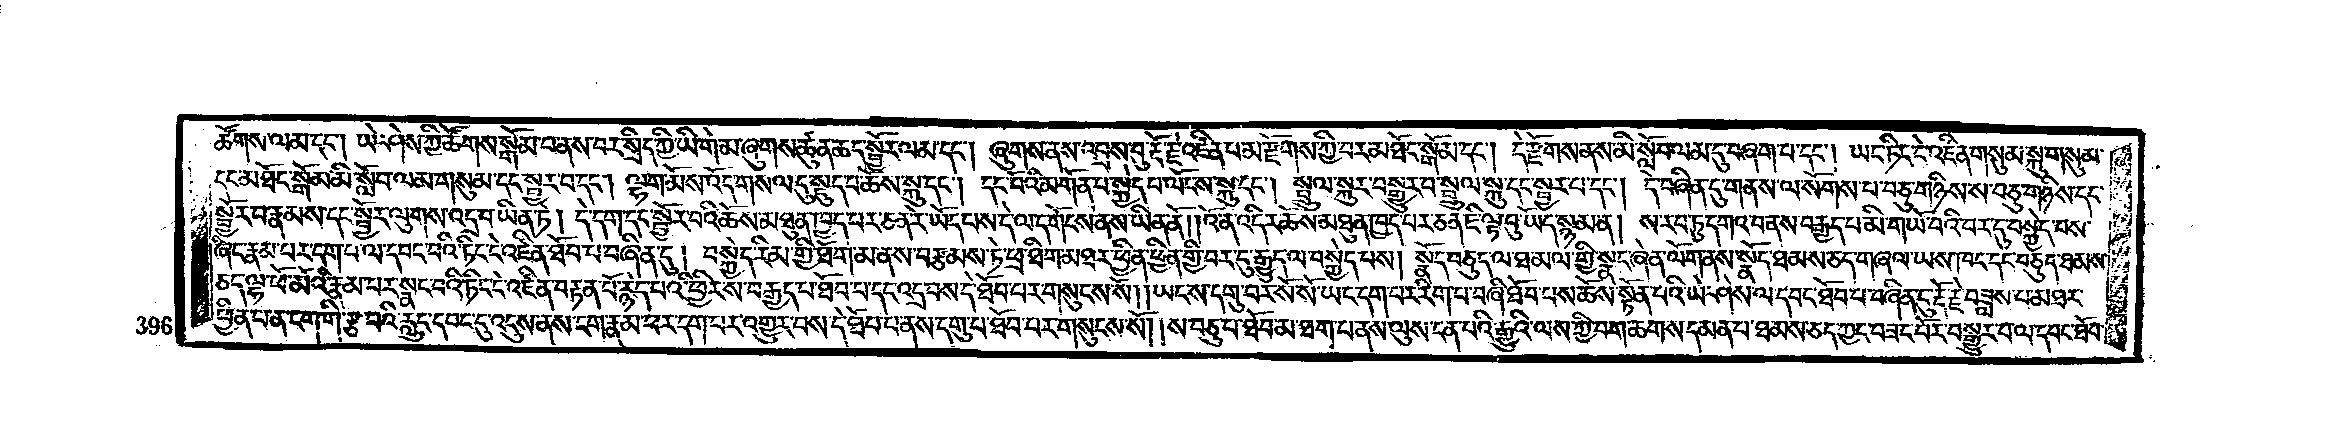ཚོགས་ལམ་དང་། ཡེ་ཤེས་ཀྱི་ཚོགས་སྒོམ་པ་ནས་བར་སྲིད་ཀྱི་ཡི་གེ་མ་ཞུགས་ཚུན་ཆད་སྦྱོར་ལམ་དང་། ཞུགས་ནས་འབྲས་བུ་རྡོ་རྗེ་འཛིན་པ་མ་རྫོགས་ཀྱི་བར་མཐོང་སྒོམ་དང་། དེ་རྫོགས་ནས་མི་སློབ་ལམ་དུ་བཞག་པ་དང་། ཡང་ཏིང་ངེ་འཛིན་གསུམ་སྐུ་གསུམ་དང་མཐོང་སྒོམ་མི་སློབ་ལམ་གསུམ་དང་སྦྱར་བ་དང་། ལྷག་མོས་འོད་གསལ་དུ་སྡུད་པ་ཆོས་སྐུ་དང་། དང་པོའི་མགོན་པོ་སྐྱེད་པ་ལོངས་སྐུ་དང་། སྤྲུལ་སྐུར་བསྒྱུར་བ་སྤྲུལ་སྐུ་དང་སྦྱར་པ་དང་། དེ་བཞིན་དུ་གནས་ལ་སོགས་པ་བཅུ་གཉིས་ས་བཅུ་གཉིས་དང་
སྦྱོར་བ་རྣམས་དང་སྦྱོར་ལུགས་འདྲ་བ་ཡིན་ཏེ། དེ་དག་དང་སྦྱོར་བའི་ཆོས་མཐུན་ཁྱད་པར་ཅན་རེ་ཡོད་པས་དེ་ལ་དགོངས་ནས་ཡིན་ནོ། །འོ་ན་འདིར་ཆོས་མཐུན་ཁྱད་པར་ཅན་ཇི་ལྟ་བུ་ཡོད་སྙམ་ན། ས་རབ་ཏུ་དགའ་བ་ནས་བརྒྱད་པ་མི་གཡོ་བའི་བར་དུ་བསྐྱེད་པས་
ཞིང་རྣམ་པར་དག་པ་ལ་དབང་བའི་ཏིང་ངེ་འཛིན་ཐོབ་པ་བཞིན་དུ། བསྐྱེད་རིམ་གྱི་ཐོག་མ་ནས་བརྩམས་ཏེ་ཕྲ་ཐིག་མཐར་ཕྱིན་ཕྱིན་གྱི་བར་དུ་རྒྱུད་ལ་བསྐྱེད་པས། སྣོད་བཅུད་ལ་ཐ་མལ་གྱི་སྣང་ཞེན་ལོག་ནས་སྣོད་ཐམས་ཅད་གཞལ་ཡས་ཁང་དང་བཅུད་ཐམས་
ཅད་ལྷ་ཕོ་མོའི་རྣམ་པར་སྣང་བའི་ཏིང་ངེ་འཛིན་བརྟན་པོ་རྙེད་པའི་ཕྱིར་ས་བརྒྱད་པ་ཐོབ་པ་དང་འདྲ་བས་དེ་ཐོབ་པར་གསུངས་སོ། །ཡང་ས་དགུ་པར་སོ་སོ་ཡང་དག་པར་རིག་པ་བཞི་ཐོབ་པས་ཆོས་སྟོན་པའི་ཡེ་ཤེས་ལ་དབང་ཐོབ་པ་བཞིན་དུ་རྡོ་རྗེ་བཟླས་པ་མཐར་
ཕྱིན་པ་ན་ངག་གི་རྩ་བའི་རླུང་དབང་དུ་འདུས་ནས་ངག་རྣམ་པར་དག་པར་འགྱུར་བས་དེ་ཐོབ་པ་ནས་དགུ་པ་ཐོབ་པར་གསུངས་སོ། །ས་བཅུ་པ་ཐོབ་མ་ཐག་པ་ནས་ལུས་ངན་པའི་རྒྱུའི་ལས་ཀྱི་བག་ཆགས་དམན་པ་ཐམས་ཅད་ཀྱང་བཟང་པོར་བསྒྱུར་བ་ལ་དབང་ཐོབ་